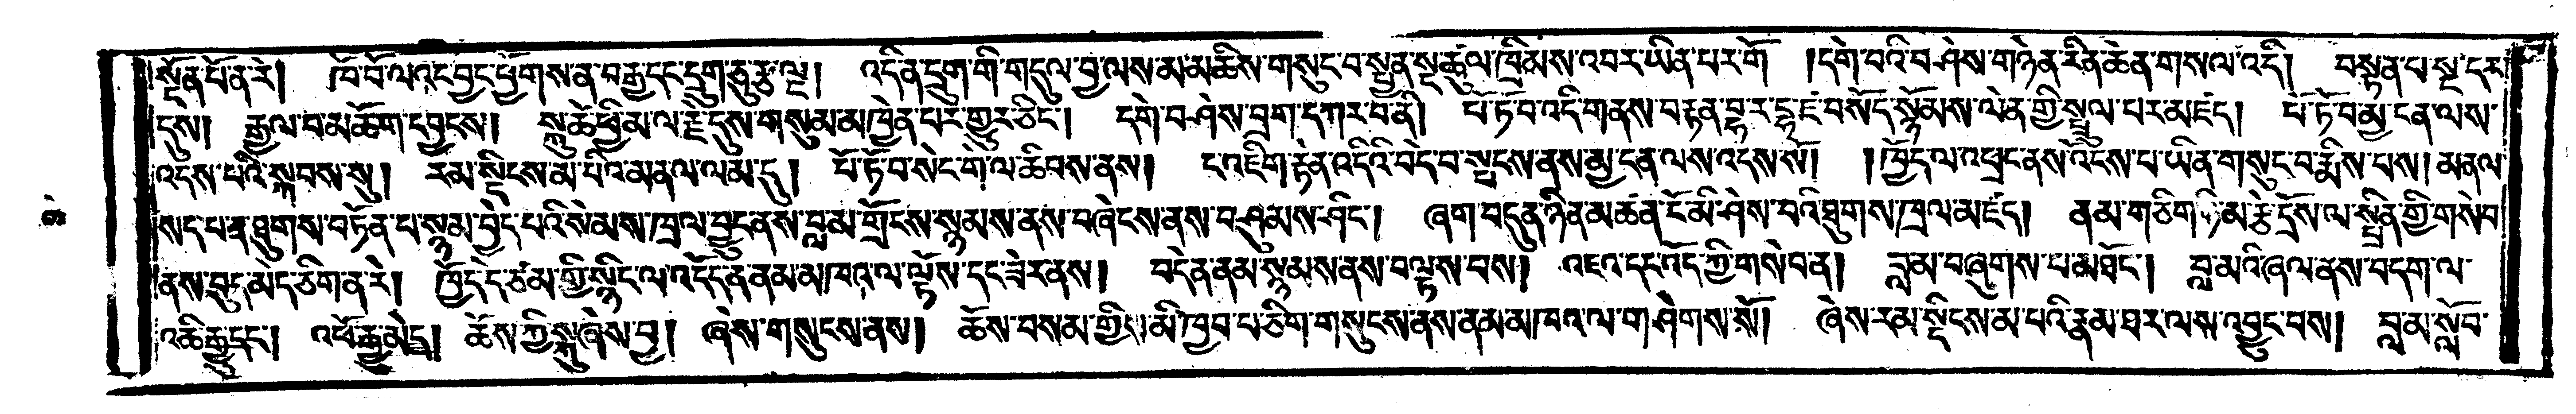སྔོན་པོ་ན་རེ། ཁོ་བོ་ལའང་བྱང་ཕྱོགས་ན་བརྒྱ་དང་དྲུག་ཅུ་རྩ་ལྔ། འདི་ན་དྲུག་གི་གདུལ་བྱ་ལས་མ་མཆིས་གསུང་པ་སྤྱན་སྔ་ཚུལ་ཁྲིམས་འབར་ཡིན་པར་གོ། །དགེ་བའི་བཤེས་གཉེན་རིན་ཆེན་གསལ་འདི། །བསྟན་པ་སྔ་དར་
དུས། རྒྱལ་བ་མཆོག་དབྱངས། སྐུ་ཚེ་ཕྱི་མ་ལ་རྗེ་དུས་གསུམ་མཁྱེན་པར་གྱུར་ཅིང་། དགེ་བཤེས་བྲག་དཀར་བ་ནི། པོ་ཏོ་བ་འདི་གནས་བརྟན་བྷ་ར་དྷ་ཛ་བསོད་སྙོམས་ལེན་གྱི་སྤྲུལ་པར་མཛད། པོ་ཏོ་བ་མྱ་ངན་ལས་
འདས་པའི་སྐབས་སུ། རམ་སྡིངས་མ་པའི་མནལ་ལམ་དུ། པོ་ཏོ་བ་སེང་གེ་ལ་ཆིབས་ནས། ང་འཇིག་རྟེན་འདིའི་བདེ་བ་སྤངས་ནས་མྱ་ངན་ལས་འདས་སོ། །ཁྱོད་ལ་འཕྲང་ནས་འོངས་པ་ཡིན་གསུང་པ་རྨིས་པས། མནལ་
སད་པ་ན་ཐུགས་བཏོན་པ་སྙམ་བྱེད་པའི་སེམས་ཁྲལ་བྱུང་ནས་བླ་མ་གྲོངས་སྙམ་ནས་བཞེངས་ནས་བཤུམས་ཤིང་། ཞག་བདུན་ཉིན་མཚན་ངོ་མི་ཤེས་པའི་ཐུགས་ཁྲལ་མཛད། ནམ་གཅིག་ཉི་མ་རྩེ་དྲོས་ལ་སྤྲིན་གྱི་གསེབ་
ནས་བུད་མེད་ཅིག་ན་རེ། ཁྱོད་དེ་ཙམ་གྱི་སྙིང་ལ་འདོད་ན་ནམ་མཁའ་ལ་ལྟོས་དང་ཟེར་ནས། བདེན་ནམ་སྙམས་ནས་བལྟས་པས། འཇའ་དང་འོད་ཀྱི་གསེབ་ན། བླ་མ་བཞུགས་པ་མཐོང་། བླ་མའི་ཞལ་ནས་བདག་ལ་
འཆི་རྒྱུ་དང་། འཕོ་རྒྱུ་མེད། ཆོས་ཀྱི་སྐུ་ཞེས་བྱ། ཞེས་གསུངས་ནས། ཆོས་བསམ་གྱིས་མི་ཁྱབ་པ་ཅིག་གསུངས་ནས་ནམ་མཁའ་ལ་གཤེགས་སོ། ཞེས་རམ་སྡིངས་མ་པའི་རྣམ་ཐར་ལས་འབྱུང་བས། བླ་མ་སློབ་